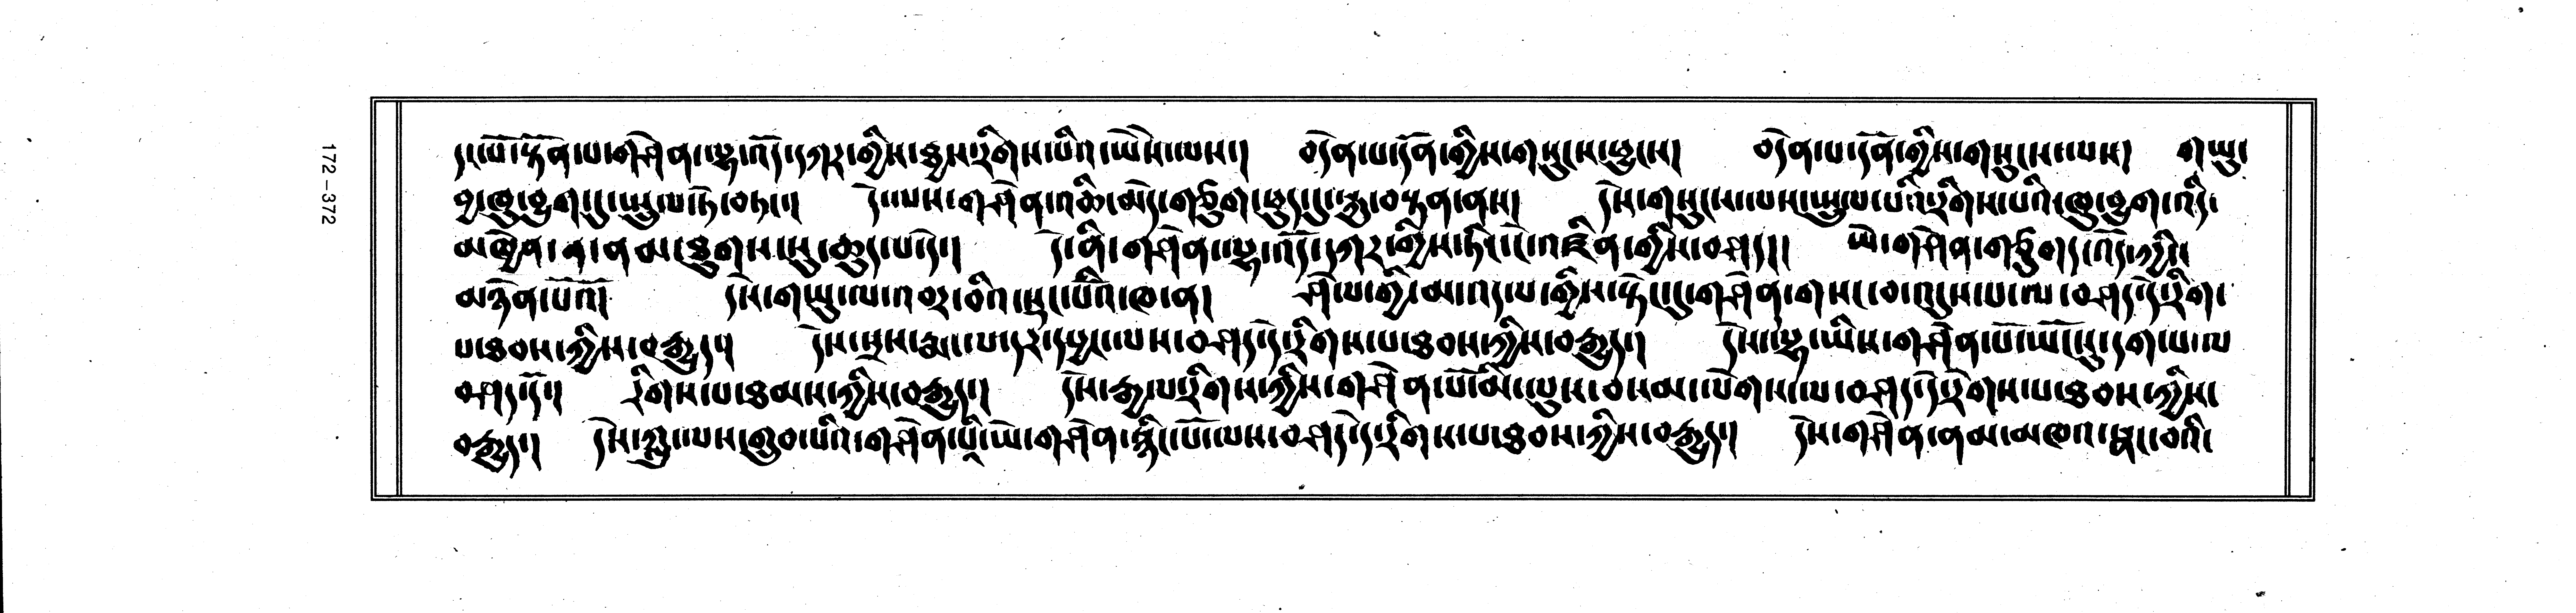དང་པོ་སྟོན་པ་གཤེན་ལྷ་འོད་དཀར་གྱིས་ཐུག་རིག་པའི་ཡེ་ཤེས་ལས། བདེན་པ་དོན་གྱིས་གསུངས་ཕྱུངས། བདེན་པ་དོན་གྱིས་གསུངས་ལས། གཡུ་
བྱ་ཁུ་བྱུག་དུ་སྤྲུལ་ཏེ་བཏང་། དེ་ལས་གཤེན་འཆི་མེད་གཙུག་ཕུད་དུ་སྐུ་བསྟན་ནས། དེས་གསུང་ལས་སྤྲུལ་པའི་རིག་པའི་ཁུ་བྱུག་འདི་
མཁྱེན་ནམ་ཐུགས་སུ་ཆུད་པ་དེ། དེ་ནི་གཤེན་ལྷ་འོད་དཀར་གྱིས་ཏིང་ངེ་འཛིན་གྱིས་བཤད། ཡེ་གཤེན་གཙུག་ཕུད་འོད་ཀྱིས་
མཉེན་པོའོ། དེས་གཡུ་ལ་འབར་བའི་སྡང་པོའི་ཁ་ན། ཤེལ་གྱི་མ་འདལ་གྱིས་སྟེང་དུ་གཤེན་གསང་བ་འདུས་པ་ལ་བཤད་དེ་རིག་
པ་ཐབས་ཀྱིས་བརྒྱུད། དེས་སྲས་རྨ་ལོ་དར་དཔྱང་ལས་བཤད་དེ་རིག་པ་ཐབས་ཀྱིས་བརྒྱུད། དེས་ལྷ་ཡིས་གཤེན་པོ་ཡོངས་སུ་དག་པ་ལ་
བཤད་དོ། རིག་པ་ཐམས་ཀྱིས་བརྒྱུད། དེས་རྒྱལ་རིགས་ཀྱིས་གཤེན་པོ་མི་ལུས་བསམ་ལེགས་ལ་བཤད་དེ་རིག་པ་ཐབས་ཀྱིས་
བརྒྱུད། དེས་ཀླུ་ལས་གྲུབ་པའི་གཤེན་པོ་ཡེ་གཤེན་སྙིང་པོ་ལས་བཤད་དེ་རིག་པ་ཐབས་ཀྱིས་བརྒྱུད། དེས་གཤེན་ནམ་མཁའ་སྣང་བའི་